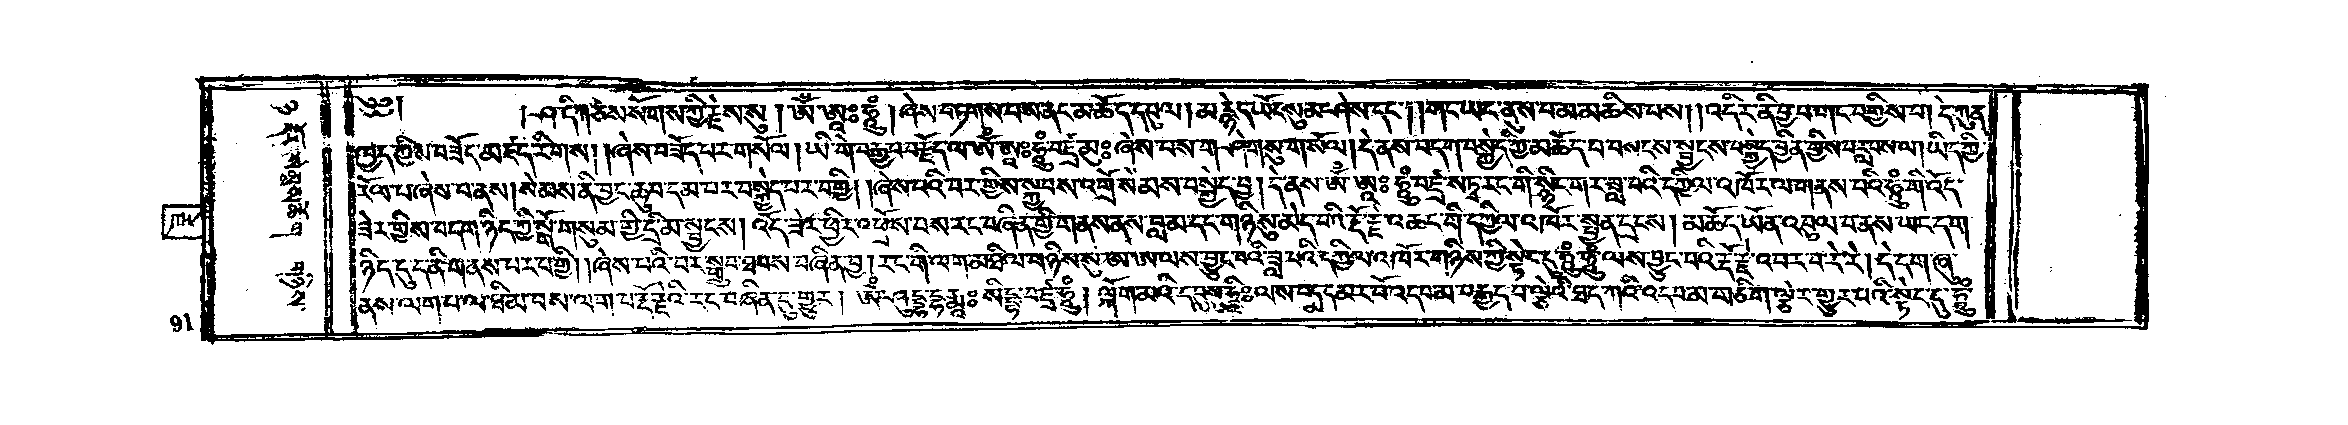༄༅། །ཤ་དིཀ་ཅེས་སོགས་ཀྱི་རྗེས་སུ། ཨོཾ་ཨཱཿ ཧཱུཾ། ཞེས་བཏགས་པས་ནང་མཆོད་དབུལ། མ་རྙེད་ཡོངས་སུ་མ་ཤེས་དང་། །གང་ཡང་ནུས་པ་མ་མཆིས་པས། །འདིར་ནི་བྱ་བ་གང་བགྱིས་པ། དེ་ཀུན་
ཁྱེད་ཀྱིས་བཟོད་མཛད་རིགས། །ཞེས་བཟོད་པར་གསོལ། ཡི་གེ་བརྒྱ་པ་བརྗོད་ལ་ཨོཾ་ཨཱཿ ཧཱུཾ་བཛྲ་མུཿ ཞེས་པས་གཤེགས་སུ་གསོལ། དེ་ནས་བདག་བསྐྱེད་ཀྱི་མཆོད་པ་བསངས་སྦྱངས་བསྐྱེད་བྱིན་གྱིས་བརླབས་ལ། ཡིད་ཀྱི་
རོལ་པ་ཞེས་པ་ནས། སེམས་ནི་བྱང་ཆུབ་དམ་པར་བསྐྱེད་པར་བགྱི། །ཞེས་པའི་བར་གྱིས་སྐྱབས་འགྲོ་སེམས་བསྐྱེད་བྱ། དེ་ནས་ཨོཾ་ཨཱཿ ཧཱུཾ་བཛྲ་སཏྭ་རང་གི་སྙིང་གར་ཟླ་བའི་དཀྱིལ་འཁོར་ལ་གནས་པའི་ཧཱུཾ་གི་འོད་
ཟེར་གྱིས་བདག་ཉིད་ཀྱི་སྒོ་གསུམ་གྱི་དྲི་མ་སྦྱངས། འོད་ཟེར་ཕྱིར་འཕྲོས་པས་རང་བཞིན་གྱི་གནས་ནས་བླ་མ་དང་གཉིས་སུ་མེད་པའི་རྡོ་རྗེ་འཆང་གི་དཀྱིལ་འཁོར་སྤྱན་དྲངས། མཆོད་ཡོན་འབུལ་བ་ནས་ཡང་དག་
ཉིད་དུ་ད་ནི་གནས་པར་བགྱི། །ཞེས་པའི་བར་སྒྲུབ་ཐབས་བཞིན་བྱ། རང་གི་ལག་མཐིལ་གཉིས་སུ་ཨ་ཨ་ལས་བྱུང་བའི་ཟླ་བའི་དཀྱིལ་འཁོར་གཉིས་ཀྱི་སྟེང་དུ་ཧཱུཾ་ཧཱུཾ་ལས་བྱུང་བའི་རྡོ་རྗེ་འབར་བ་རེ་རེ། དེ་དག་ཞུ་
ནས་ལག་པ་ལ་ཐིམ་པས་ལག་པ་རྡོ་རྗེའི་རང་བཞིན་དུ་གྱུར། ཨོཾ་ཤུདྡྷ་དྷརྨཱཿ སིདྡྷ་བཛྲ་ཧཱུཾ། ལྐོག་མའི་དབུས་སུ་ཧྲཱིཿ ལས་པདམ་དམར་པོ་འདབ་མ་བརྒྱད་པ་ལྕེའི་ཐད་ཀའི་འདབ་མ་གཅིག་ལྕེར་གྱུར་པའི་སྟེང་དུ་ཧཱུཾ་